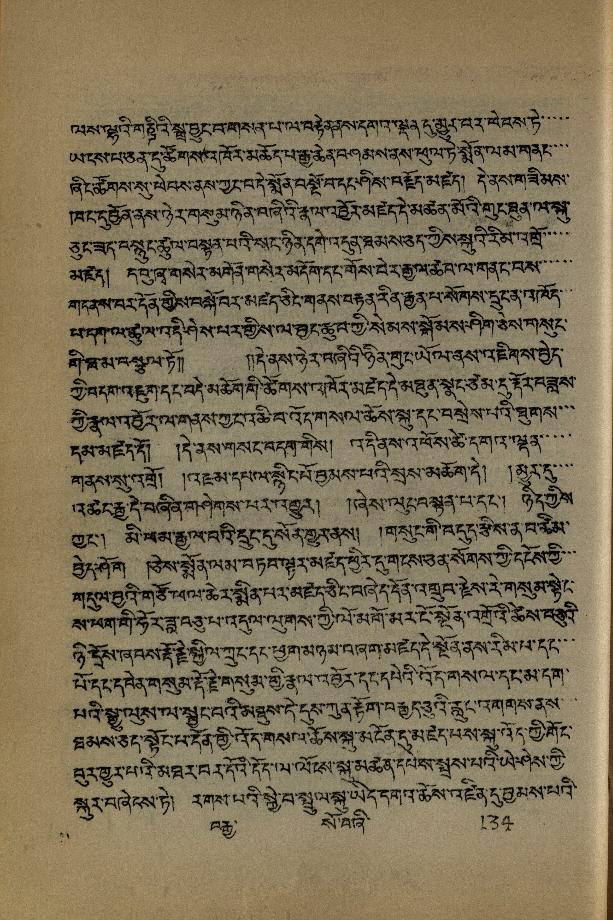ལས་ལྷའི་གཎྜིའི་སྒྲ་བྱུང་བ་གསན་པ་ལ་བརྟེན་ནས་དགའ་ལྡན་དུ་མྱུར་བར་ཕེབས་ཏེ་
ཡངས་པ་ཅན་དུ་ཚོགས་འཁོར་མཆོད་པ་རྒྱ་ཆེན་བཤམས་ནས་ཕུལ་ཏེ་སྨོན་ལམ་གནང་
ཞིང་ཚོགས་སུ་ཕེབས་ནས་ཀྱང་བདེ་སྨོན་བསྔོ་བ་དང་ཤིས་བརྗོད་མཛད། དེ་ནས་གཟིམས་
ཁང་དུ་བྱོན་ནས་ཉེར་གསུམ་ཉིན་བཞིའི་རྣལ་འབྱོར་མཛད་དེ་མཚན་མོའི་གུང་ཐུན་ལ་སྐུ་
ཅུང་ཟད་བསྙུང་ཚུལ་བསྟན་པའི་སང་ཉིན་དགེ་འདུན་ཐམས་ཅད་ཀྱིས་སྐུའི་རིམ་འགྲོ་
མཛད། དབུ་ཞྭ་གསེར་མགོན་གསེར་མདོག་དང་གོས་བེར་རྒྱལ་ཚབ་ལ་གནང་བས་
གདན་ས་བར་དོན་གྱིས་བསྐོ་བར་མཛད་ཅིང་གནས་བརྟན་རིན་རྒྱན་པ་སོགས་དྲུང་ན་འཁོད་
པ་དག་ལ་ཚུལ་འདི་ཤེས་པར་གྱིས་ལ་བྱང་ཆུབ་ཀྱི་སེམས་སྒོམས་ཤིག་ཅེས་གསུང་
གི་ཐ་མ་བསྩལ་ཏོ།། །།དེ་ནས་ཉེར་བཞིའི་ཉིན་གུང་ཡོལ་ནས་འཇིགས་བྱེད་
ཀྱི་བདག་འཇུག་དང་བདེ་མཆོག་གི་ཚོགས་འཁོར་མཛད་དེ་མཐུན་སྣང་ཙམ་དུ་རྡོར་བཟླས་
ཀྱི་རྣལ་འབྱོར་ལ་གནས་ཀྱང་འཆི་བ་འོད་གསལ་ཆོས་སྐུ་དང་བསྲེས་པའི་ཐུགས་
དམ་མཛད་དོ། །དེ་ནས་གསང་བདག་གིས། འདི་ནས་འཕོས་ཚེ་དགའ་ལྡན་
གནས་སུ་འགྲོ། །འཇམ་དཔལ་སྙིང་པོ་བྱམས་པའི་སྲས་མཆོག་དེ། །མྱུར་དུ་
འཚང་རྒྱ་དེ་བཞིན་གཤེགས་པར་འགྱུར། །ཞེས་ལུང་བསྟན་པ་དང་། ཉིད་ཀྱིས་
ཀྱང་། མི་ཕམ་རྒྱལ་བའི་དྲུང་དུ་སོན་གྱུར་ནས། །གསུང་གི་བདུད་རྩིས་ན་བ་ཚིམ་
བྱེད་ཤོག །ཅེས་སྨོན་ལམ་བཏབ་ལྟར་མཛད་ཕྱིར་དུ་གངས་ཅན་སོགས་ཀྱི་དངོས་ཀྱི་
གདུལ་བྱའི་གཙོ་ཕལ་ཆེར་སྨིན་པར་མཛད་ཅིང་བཞེད་དོན་འགྲུབ་རྗེས་རེ་གསུམ་སྟེང་
ས་ཕག་གི་ཧོར་ཟླ་བཅུ་པ་འདུལ་ལུགས་ཀྱི་ལོ་མགོ་མར་ངོ་སྔོན་འགྲོའི་ཚེས་བཅུའི་
ཉི་དྲོས་ཞབས་རྡོ་རྗེ་སྐྱིལ་ཀྲུང་དང་ཕྱག་མཉམ་བཞག་མཛད་དེ་སྔོན་ནས་རིམ་པ་དང་
པོ་དང་དབེན་གསུམ་རྡོ་རྗེ་གསུམ་གྱི་རྣལ་འབྱོར་དང་དཔེའི་འོད་གསལ་དང་མ་དག་
པའི་སྒྱུ་ལུས་ལ་སྦྱང་བའི་མཐུས་དེ་དུས་ཀུན་རྟོག་བརྒྱད་ཅུའི་རླུང་འགགས་ནས་
ཐམས་ཅད་སྟོང་པ་དོན་གྱི་འོད་གསལ་ཆོས་སྐུ་མངོན་དུ་མཛད་པས་སྐུ་འོད་ཀྱི་གོང་
བུར་གྱུར་པའི་མཐར་བར་དོའི་དོད་ལ་ལོངས་སྐུ་མཚན་དཔེས་སྤྲས་པའི་ཡེ་ཤེས་ཀྱི་
སྐུར་བཞེངས་ཏེ། རགས་པའི་སྐྱེ་བ་སྤྲུལ་སྐུ་ཡིད་དགའ་ཆོས་འཛིན་དུ་བྱམས་པའི་